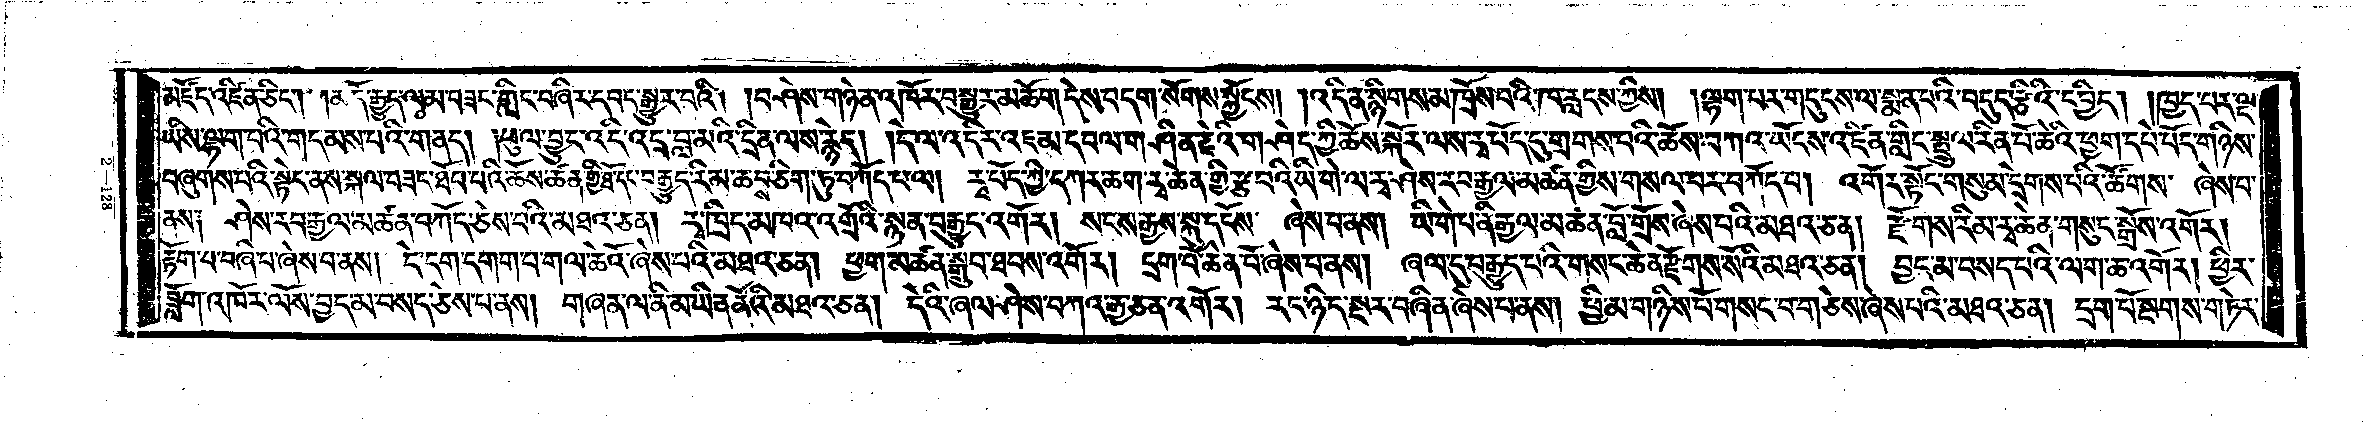མཛོད་འཛིན་ཅིང་། །མདོ་རྒྱུད་ལམ་བཟང་གླིང་བཞིར་དབང་སྒྱུར་བའི། །བཤེས་གཉེན་འཁོར་བསྒྱུར་མཆོག་དེས་བདག་སོགས་སྐྱོངས། །འདི་ན་སྙིགས་མ་ཁྲོས་བའི་ཁ་རླངས་ཀྱིས། །ལྷག་པར་གདུངས་ལ་སྨན་པའི་བདུད་རྩིའི་དཔྱིད། །ཁྱད་པར་ལྔ་
ཡིས་ལྷག་བའི་གདམས་པའི་གནད། །ཕུལ་བྱུང་འདི་འདྲ་བླ་མའི་དྲིན་ལས་རྙེད། །དེ་ལ་འདིར་འཇམ་དཔལ་གཤིན་རྗེའི་གཤེད་ཀྱི་ཆོས་སྐོར་ལས་རྭ་པོད་དུ་གྲགས་པའི་ཆོས་བཀའ་ཡོངས་འཛིན་གླིང་སྤྲུལ་རིན་པོ་ཆེའི་ཕྱག་དཔེ་པོད་གཉིས་
བཞུགས་པའི་སྟེང་ནས་སྐལ་བཟང་ཐོབ་པའི་ཆོས་ཚན་གྱི་ཐོ་དང་བརྒྱུད་རིམ་ཆབས་ཅིག་ཏུ་བཀོད་པ་ལ། རྭ་པོད་ཀྱི་དཀར་ཆག་རྭ་ཆེན་གྱི་རྩ་བའི་ཡི་གེ་ལ་རྭ་ཤེས་རབ་རྒྱལ་མཚན་གྱིས་གསལ་བར་བཀོད་བ། འགོར་སྟོང་གསུམ་དྲེགས་པའི་ཚོགས་ཞེས་པ་
ནས༑ ཤེས་རབ་རྒྱལ་མཚན་བཀོད་ཅེས་བའི་མཐའ་ཅན། རྭ་ཁྲིད་མཁའ་འགྲོའི་སྙན་བརྒྱུད་འགོར། སངས་རྒྱས་སྐུ་དངོས་ཞེས་པ་ནས། ཡི་གེ་པ་ནི་རྒྱལ་མཚན་བློ་གྲོས་ཞེས་པའི་མཐའ་ཅན། རྫོགས་རིམ་རྭ་ཆེན་གསུང་སྒྲོས་འགོར།
རྟོག་པ་བཞི་པ་ཞེས་པ་ནས། དེ་དག་དགག་པ་གལ་ཆེའོ་ཞེས་པའི་མཐའ་ཅན། ཕྱག་མཚན་སྒྲུབ་ཐབས་འགོར། དྲག་པོ་ཆེན་པོ་ཞེས་པ་ནས། ཞལ་དུ་བརྒྱུད་པའི་གསང་ཆེན་རྫོགས་སོའི་མཐའ་ཅན། བྱང་མ་བསད་བའི་ལག་ཆ་འགོར། ཕྱིར་
ཟློག་འཁོར་ལོས་བྱད་མ་བསད་ཅེས་པ་ནས། གཞན་ལ་ནི་མ་ཡིན་ནོའི་མཐའ་ཅན། དེའི་ཞལ་ཤེས་བཀའ་རྒྱ་ཅན་འགོར། རང་ཉིད་སྔར་བཞིན་ཞེས་པ་ནས། ཕྱི་མ་གཉིས་པོ་གསང་བ་གཅེས་ཞེས་པའི་མཐའ་ཅན། དྲག་པོ་སྔགས་གཏེར་